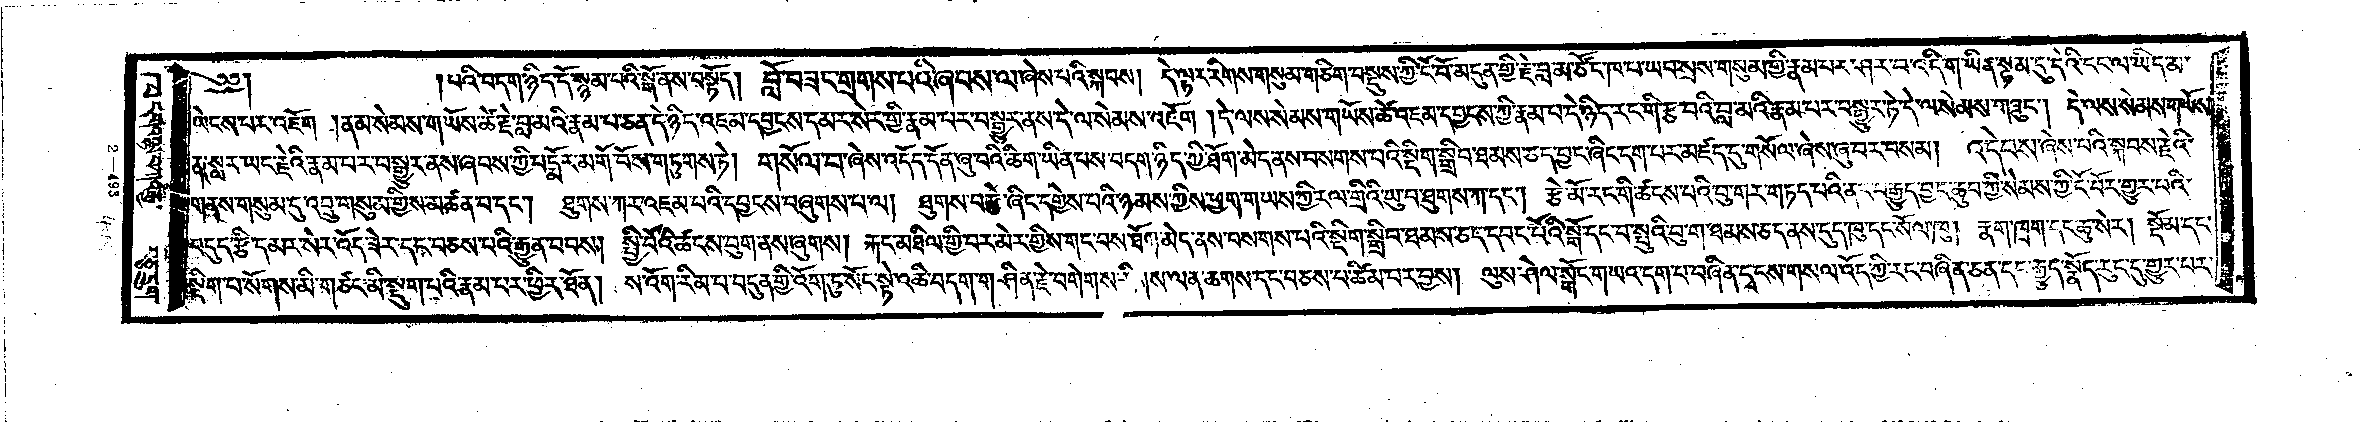༄༅། །པའི་བདག་ཉིད་དོ་སྙམ་པའི་སྒོ་ནས་བསྟོད།  བློ་བཟང་གྲགས་པའི་ཞབས་ལ་ཞེས་པའི་སྐབས། དེ་ལྟར་རིགས་གསུམ་གཅིག་བསྡུས་ཀྱི་ངོ་བོ་མདུན་གྱི་རྗེ་བླ་མ་ཙོང་ཁ་པ་ཡབ་སྲས་གསུམ་གྱི་རྣམ་པར་ཤར་བ་འདི་ག་ཡིན་སྙམ་དུ་དེའི་ངང་ལ་ཡིད་མ་
གེངས་པར་འཇོག །ནམ་སེམས་གཡོས་ཚེ་རྗེ་བླ་མའི་རྣམ་པ་ཅན་དེ་ཉིད་འཇམ་དབྱངས་དམར་སེར་གྱི་རྣམ་པར་བསྒྱུར་ནས་དེ་ལ་སེམས་འཇོག །དེ་ལས་སེམས་གཡོས་ཚེ་འཇམ་དབྱངས་ཀྱི་རྣམ་བ་དེ་ཉིད་རང་གི་རྩ་བའི་བླ་མའི་རྣམ་པར་བསྒྱུར་ཏེ་དེ་ལ་སེམས་གཟུང་། དེ་ལས་སེམས་གཡོས་
ན༑ སླར་ཡང་རྗེའི་རྣམ་པར་བསྒྱུར་ནས་ཞབས་ཀྱི་པདམོར་མགོ་བོས་གཏུགས་ཏེ། གསོལ་བ་ཞེས་འདོད་དོན་ཞུ་བའི་ཚིག་ཡིན་པས་བདག་ཉིད་ཀྱི་ཐོག་མེད་ནས་བསགས་པའི་སྡིག་སྒྲིབ་ཐམས་ཅད་བྱང་ཞིང་དག་པར་མཛད་དུ་གསོལ་ཞེས་ཞུ་བར་བསམ།  འདེབས་ཞེས་པའི་སྐབས་རྗེའི་
གནས་གསུམ་དུ་འབྲུ་གསུམ་གྱིས་མཚན་པ་དང་། ཐུགས་ཀར་འཇམ་པའི་དབྱངས་བཞུགས་པ་ལ། ཐུགས་བརྩེ་ཞིང་དགྱེས་པའི་ཉམས་ཀྱིས་ཕྱག་གཡས་ཀྱི་རལ་གྲིའི་ཡུ་བ་ཐུགས་ཀ་དང་། རྩེ་མོ་རང་གི་ཚངས་པའི་བུ་གར་གཏད་པའི་ནང་བརྒྱུད་བྱང་ཆུབ་ཀྱི་སེམས་ཀྱི་ངོ་བོར་གྱུར་པའི་
བདུད་རྩི་དམར་སེར་འོད་ཟེར་དང་བཅས་པའི་རྒྱུན་བབས། སྤྱི་བོའི་ཚངས་བུ་གནས་ཞུགས། རྐང་མཐིལ་གྱི་བར་མེར་གྱིས་གང་བས་ཐོག་མེད་ནས་བསགས་པའི་སྡིག་སྒྲིབ་ཐམས་ཅད་དབང་པོའི་སྒོ་དང་བ་སྤུའི་བུ་ག་ཐམས་ཅད་ནས་དུད་ཁུ་དང་སོལ་ཁུ། རྣག་ཁྲག་དང་ཆུ་སེར། སྡོམ་དང་
སྡིག་པ་སོགས་མི་གཙང་མི་སྡུག་པའི་རྣམ་པར་ཕྱིར་ཐོན། ས་འོག་རིམ་པ་བདུན་གྱི་འོག་ཏུ་སོང་སྟེ་འཆི་བདག་གཤིན་རྗེ་བགེགས་རིགས་ལན་ཆགས་དང་བཅས་པ་ཚིམ་པར་བྱས། ལུས་ཤེལ་སྒོང་གཡའ་དག་པ་བཞིན་དྭངས་གསལ་འོད་ཀྱི་རང་བཞིན་ཅན་དང་རྒྱུད་སྣོད་རུང་དུ་གྱུར་པར